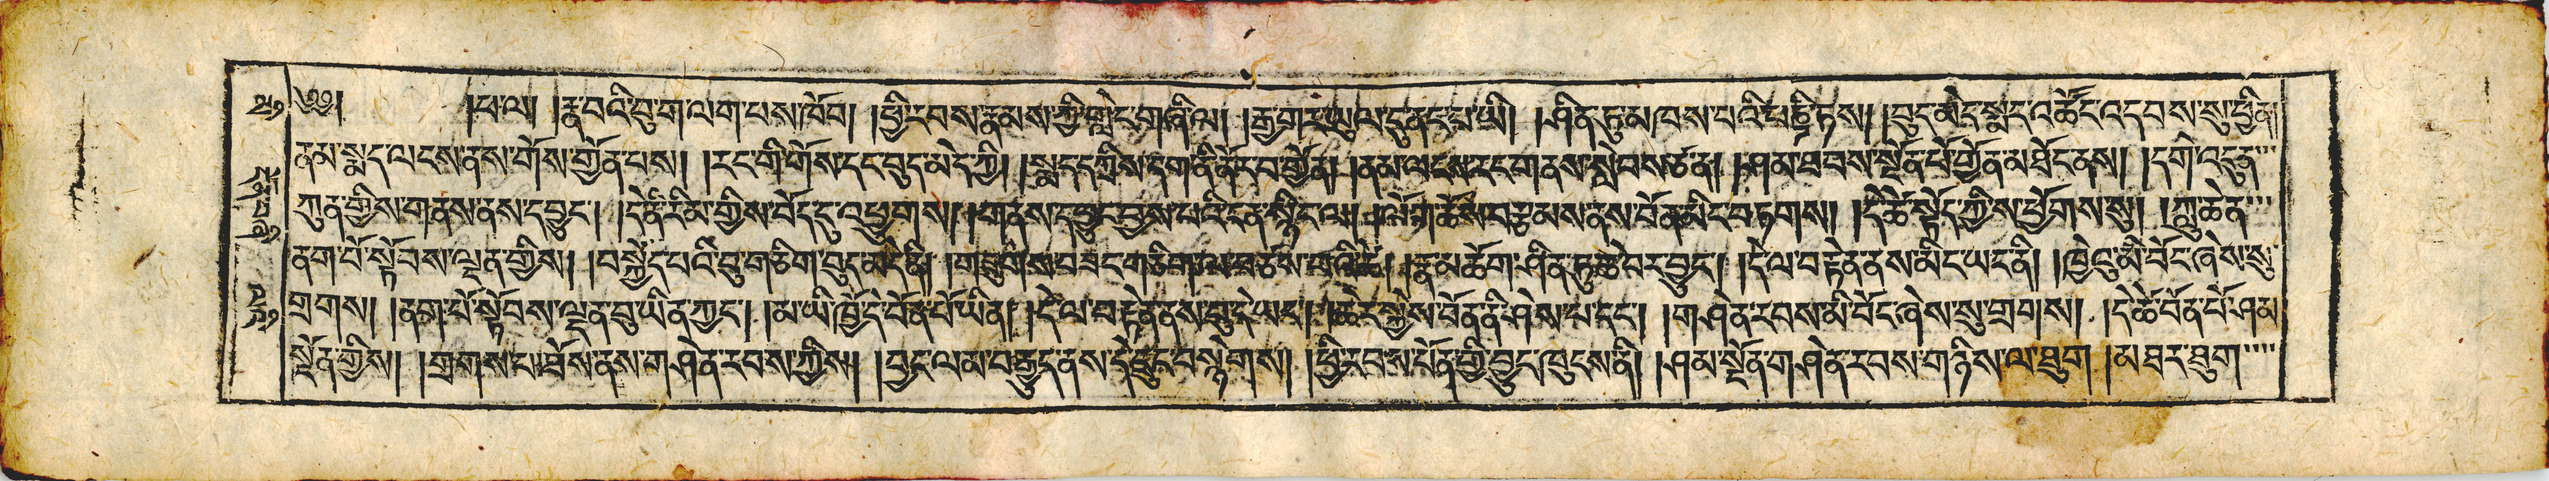པ་ལ། །རྣ་བའི་བུ་ག་ལག་པས་ཁོབ། །ཕྱི་རབས་རྣམས་ཀྱི་གླེང་གཞི་ལ། །རྒྱ་གར་ཡུལ་དུ་ནང་པ་ཡི། །ཤིན་ཏུ་མཁས་པའི་འཎྜི་ཏས། །བུད་མེད་སྨད་འཚོང་འདབས་སུ་ཕྱིན། 
ནམ་སྨད་ལངས་ནས་གོས་གྱོན་པས། །རང་གི་གོས་དང་བུད་མེད་ཀྱི། །སྨད་དཀྲིས་དག་ནི་ནོར་བ་གྱོན། །ནམ་ལངས་རང་གནས་སླེབས་ཙ་ན། །ཤམ་ཐབས་སྔོན་པོ་བྱོན་མཐོང་ནས། །དགེ་འདུན་
ཀུན་གྱིས་གནས་ནས་དབྱུང་། །དེ་ནི་རིམ་གྱིས་བོད་དུ་འཕྱུགས། །གནས་དབྱུང་བྱས་པའི་ངན་སྙིང་ལ། །ལོག་ཆོས་བརྩམས་ནས་བོན་མིང་བཏགས། །དེ་ཚེ་སྟོད་ཀྱི་ས་ཕྱོགས་སུ། །ཀླུ་ཆེན་
ནག་པོ་སྟོབས་ལྡན་གྱིས། །བསྐྱེད་པའི་བུ་གཅིག་བུད་མེད་ནི། །གཟུགས་བཟང་གཅིག་ལ་བཙས་པའི་ཚེ ། །རྣ་མཆོག་ཤིན་ཏུ་ཆེ་བར་བྱུང་། །དེ་ལ་བརྟེན་ནས་མིང་ཡང་ནི། །ཁྱེའུ་མི་བོང་ཞེས་སུ་
གྲགས། །ནག་པོ་སྟོབས་ལྡན་བུ་ཡིན་ཀྱང་། །མ་ཡི་ཁྱོ་དེ་བོན་པོ་ཡིན། །དེ་ལ་བརྟེན་ནས་བུ་དེ་ཡང་། ཆེར་སྐྱེས་བོན་ནི་ཤེས་པ་དང་། །གཤེན་རབས་མི་བོང་ཞེས་སུ་གྲགས། །དེ་ཚེ་བོན་པོ་ཤམ་
སྔོན་གྱིས། །གྲགས་པ་ཐོས་ནས་གཤེན་རབས་ཀྱིས། །བྱང་ལམ་བརྒྱུད་ནས་དེ་དྲུང་བསྙེགས། །ཕྱི་རབས་བོན་གྱི་བྱུང་ཁུངས་ནི། །ཤམ་སྔོན་གཤེན་རབས་གཉིས་ལ་ཐུག །མཐར་ཐུག་